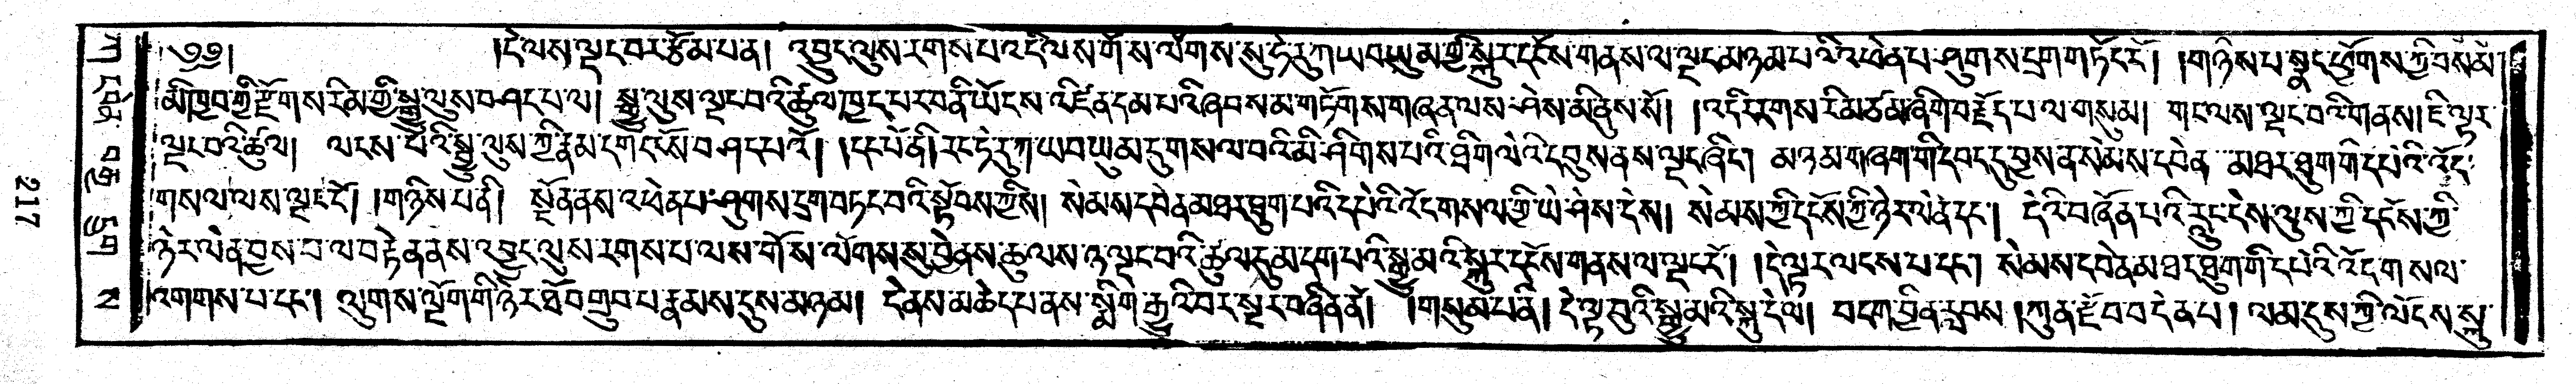༄༅། །དེ་ལས་ལྡང་བར་རྩོམ་པ་ན། འབྱུང་ལུས་རགས་པ་འདི་ལས་གོ་ས་ལོགས་སུ་ཧེ་རུ་ཀ་ཡབ་ཡུམ་གྱི་སྐུར་དངོས་གནས་ལ་ལྡང་མཉམ་པའི་འཕེན་པ་ཤུགས་དྲག་གཏོང་ངོ། །གཉིས་པ་སྣང་ཕྱོགས་ཀྱི་བསམ་
མི་ཁྱབ་གྱི་རྫོགས་རིམ་གྱི་སྒྱུ་ལུས་བཤད་པ་ལ། སྒྱུ་ལུས་ལྡང་བའི་ཚུལ་ཁྱད་པར་བ་ནི་ཡོངས་འཛིན་དམ་པའི་ཞབས་མ་གཏོགས་གཞན་ལས་ཤེས་མི་ནུས་སོ། །འདིར་རགས་རིམ་ཙམ་ཞིག་བརྗོད་པ་ལ་གསུམ། གང་ལས་ལྡང་བའི་གནས། ཇི་ལྟར་
ལྡང་བའི་ཚུལ། ལངས་པའི་སྒྱུ་ལུས་ཀྱི་རྣམ་དག་དངོས་བཤད་པའོ། །དང་པོ་ནི། རང་ཧེ་རུ་ཀ་ཡབ་ཡུམ་དུ་གསལ་བའི་མི་ཤིགས་པའི་ཐིག་ལེའི་དབུས་ནས་ལྡང་ཞིང་། མཉམ་གཞག་གི་དབང་དུ་བྱས་ན་སེམས་དབེན་མཐར་ཐུག་གི་དཔེའི་འོད་
གསལ་ལས་ལྡང་ངོ། །གཉིས་པ་ནི། སྔོན་ནས་འཕེན་པ་ཤུགས་དྲག་བཏང་བའི་སྟོབས་ཀྱིས། སེམས་དབེན་མཐར་ཐུག་པའི་དཔེའི་འོད་གསལ་གྱི་ཡེ་ཤེས་དེས། སེམས་ཀྱི་དངོས་ཀྱི་ཉེར་ལེན་དང་། དེའི་བཞོན་པའི་རླུང་དེས་ལུས་ཀྱི་དངོས་ཀྱི་
ཉེར་ལེན་བྱས་པ་ལ་བརྟེན་ནས་འབྱུང་ལུས་རགས་པ་ལས་གོ་ས་ལོགས་སུ་བྱེ་ནས་ཆུ་ལས་ཉ་ལྡང་བའི་ཚུལ་དུ་མ་དག་པའི་སྒྱུ་མའི་སྐུར་དངོས་གནས་ལ་ལྡང་ངོ། །དེ་ལྟར་ལངས་པ་དང་། སེམས་དབེན་མཐར་ཐུག་གི་དཔེའི་འོད་གསལ་
འགགས་པ་དང་། ལུགས་ལྡོག་གི་ཉེར་ཐོབ་གྲུབ་པ་རྣམས་དུས་མཉམ། དེ་ནས་མཆེད་པ་ནས་སྨིག་རྒྱུའི་བར་སྔར་བཞིན་ནོ། །གསུམ་པ་ནི། དེ་ལྟ་བུའི་སྒྱུ་མའི་སྐུ་དེ་ལ། བདག་བྱིན་རླབས་།ཀུན་རྫོབ་བདེན་པ། ལམ་དུས་ཀྱི་ལོངས་སྐུ་